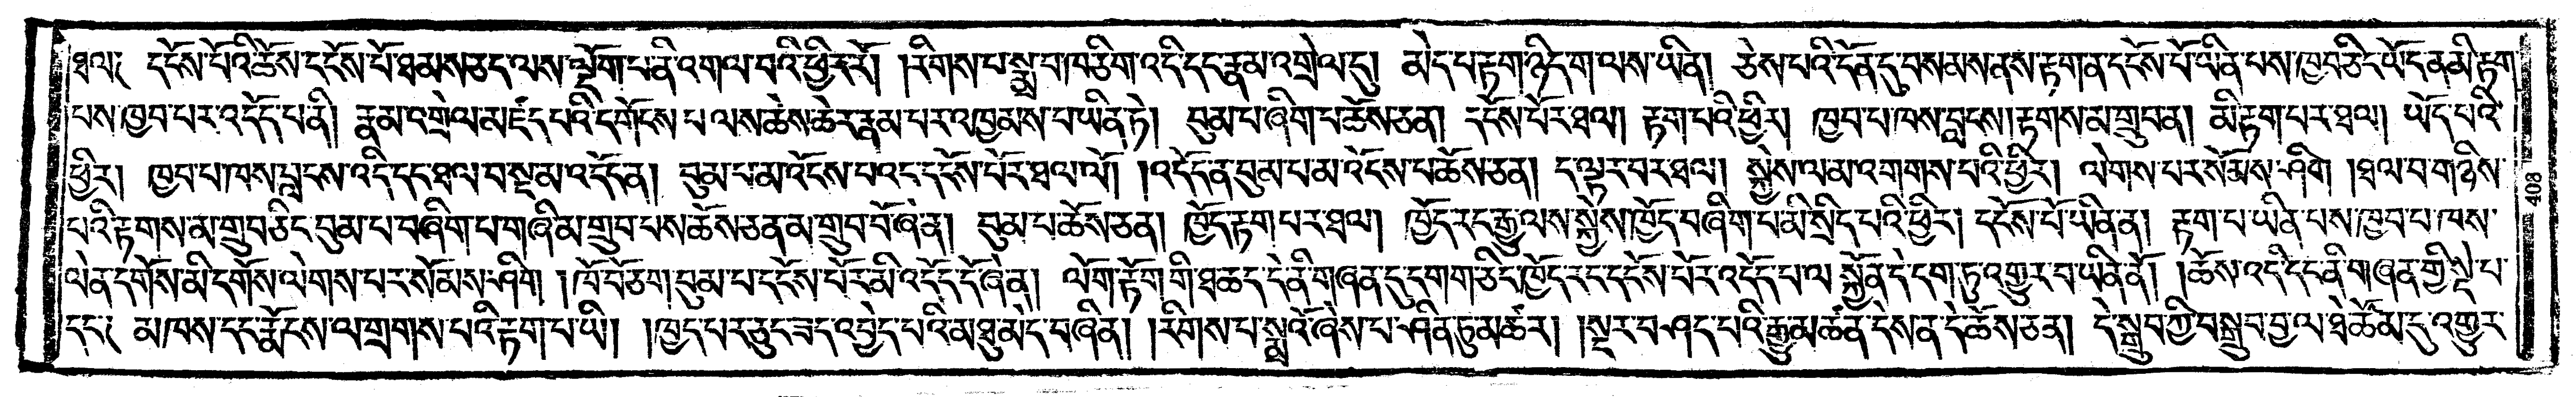ཐལ། དངོས་པོའི་ཆོས་དངོས་པོ་ཐམས་ཅད་ལས་ལྡོག་པ་ནི་འགལ་བའི་ཕྱིར་རོ། །རིགས་པ་སྨྲ་བ་ཁ་ཅིག་འདི་དང་རྣམ་འགྲེལ་དུ། མེད་པ་རྟག་ཉིད་ག་ལས་ཡིན། ཅེས་པའི་དོན་དུ་བསམས་ནས་རྟག་ན་དངོས་པོ་ཡིན་པས་ཁྱབ་ཅིང་ཡོད་ན་མི་རྟག་
པས་ཁྱབ་པར་འདོད་པ་ནི། རྣམ་འགྲེལ་མཛད་པའི་དགོངས་པ་ལས་ཆེས་ཆེར་རྣམ་པར་འཁྱམས་པ་ཡིན་ཏེ། བུམ་པ་ཞིག་པ་ཆོས་ཅན། དངོས་པོར་ཐལ། རྟག་པའི་ཕྱིར། ཁྱབ་པ་ཁས་བླངས། རྟགས་མ་གྲུབ་ན། མི་རྟག་པར་ཐལ། ཡོད་པའི་
ཕྱིར། ཁྱབ་པ་ཁས་བླངས་འདི་དང་ཐལ་བ་སྔ་མ་འདོད་ན། བུམ་པ་མ་འོངས་པའང་དངོས་པོར་ཐལ་ལོ། །འདོད་ན་བུམ་པ་མ་འོངས་པ་ཆོས་ཅན། ད་ལྟར་བར་ཐལ། སྐྱེས་ལ་མ་འགགས་པའི་ཕྱིར། ལེགས་པར་སོམས་ཤིག །ཐལ་བ་གཉིས་
པའི་རྟགས་མ་གྲུབ་ཅིང་བུམ་པ་བཞིག་པ་གཞི་མ་གྲུབ་པས་ཆོས་ཅན་མ་གྲུབ་བོ་ཞེ་ན། བུམ་པ་ཆོས་ཅན། ཁྱོད་རྟག་པར་ཐལ། ཁྱོད་རང་རྒྱུ་ལས་སྐྱེས་ཁྱོད་བཞིག་པ་མི་སྲིད་པའི་ཕྱིར། དངོས་པོ་ཡིན་ན། རྟགས་པ་ཡིན་པས་ཁྱབ་པ་ཁས་
ལེན་དགོས་མི་དགོས་ལེགས་པར་སོམས་ཤིག །ཁོ་བོ་ཅག་བུམ་པ་དངོས་པོར་མི་འདོད་དོ་ཞེ་ན། ལོག་རྟོག་གི་ཐ་ཆད་དེ་ནི་གཞན་དུ་དགག་ཅིང་ཁྱོད་རང་དངོས་པོར་འདོད་པ་ལ་སྐྱོན་དེ་དག་ཏུ་འགྱུར་བ་ཡིན་ནོ། །ཆོས་འདི་དང་ནི་གཞན་གྱི་སྡེ་པ་
དང་། མཁས་དང་རྨོངས་ལ་གྲགས་པའི་རྟག་པ་ཡི། །ཁྱད་པར་ཅུང་ཟད་འབྱེད་པའི་མཐུ་མེད་བཞིན། །རིགས་པ་སྨྲའོ་ཞེས་པ་ཤིན་ཏུ་མཚར། །སྔར་བཤད་པའི་རྒྱུ་མཚན་དེས་ན་དེ་ཆོས་ཅན། དེ་སྒྲུབ་ཀྱི་བསྒྲུབ་བྱ་ལ་ཐེ་ཚོམ་དུ་འགྱུར་